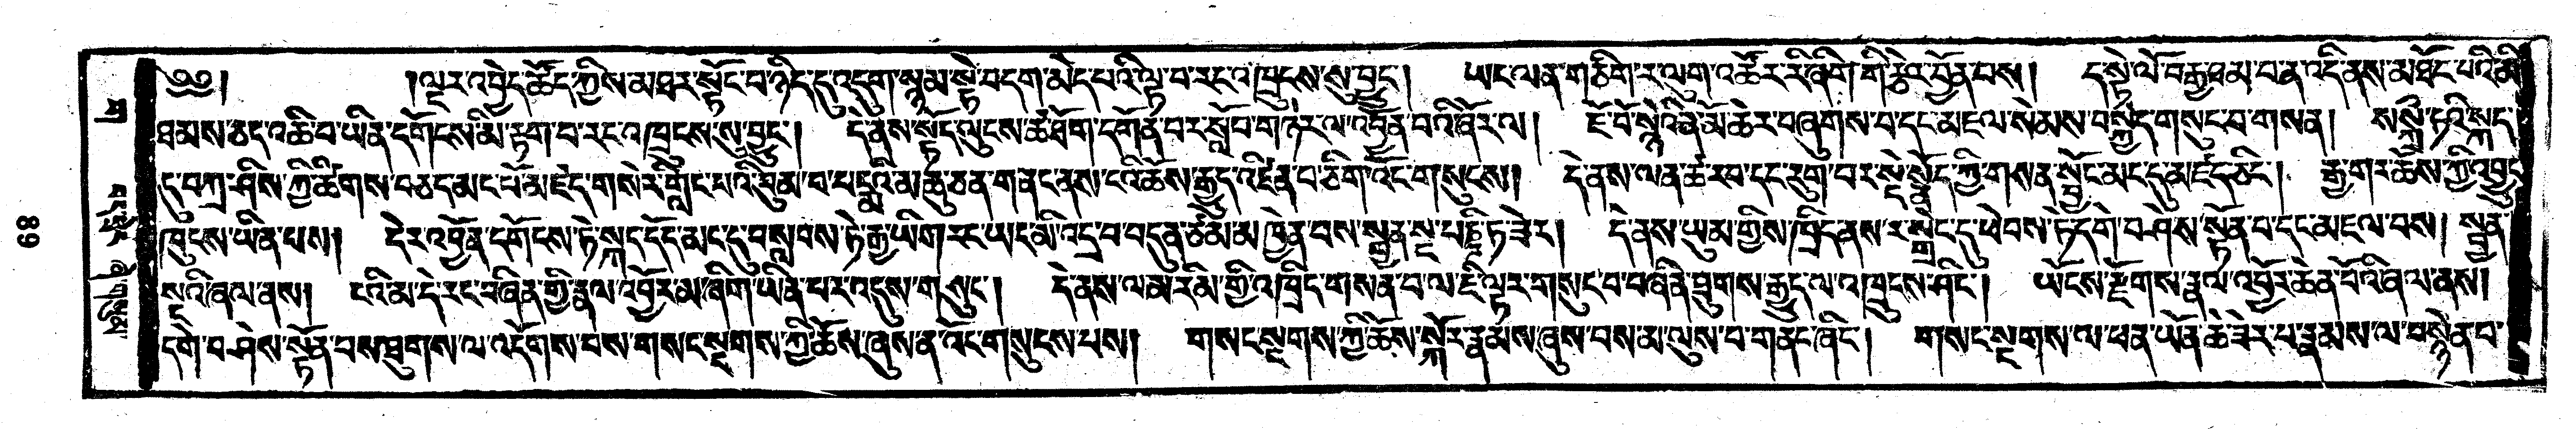༄༅། །ལྔར་འབྱེད་ཚོད་ཀྱིས་མཐར་སྟོང་པ་ཉིད་དུ་འདུག་སྙམ་སྟེ་བདག་མེད་པའི་ལྟ་བ་རང་འཁྲུངས་སུ་བྱུང་། ཡང་ལན་གཅིག་ར་ལུག་འཚོར་རི་ཞིག་གི་རྩེ་འབྱོན་བས། ད་སྟེ་ལོ་བརྒྱ་ཐམ་བ་ན་འདི་ནས་མཐོང་བའི་མི་
ཐམས་ཅད་འཆི་བ་ཡིན་དགོངས་མི་རྟག་བ་རང་འཁྲུངས་སུ་བྱུང་། དེ་ནས་སྟོང་ལུངས་ཚེ་ཐོག་དགོན་བར་སློབ་གཉེར་ལ་འབྱོན་པའི་ཞོར་ལ། ཇོ་བོ་སྙེའི་ན་མོ་ཆེར་བཞུགས་བ་དང་མཇལ་སེམས་བསྐྱེད་གསུང་བ་གསན། ས་སྐྲྀ་ཏའི་སྐད་
དུ་བཀྲ་ཤིས་ཀྱི་ཚིགས་བཅད་མང་པོ་མཛད་གསེར་གླིང་པའི་བུམ་བ་པདམའི་མཆུ་ཅན་གནང་ནས་ངའི་ཆོས་རྒྱུད་འཛིན་བ་ཅིག་འོང་གསུངས། དེ་ནས་ལན་ཚ་རབ་དང་རུག་བར་སྡེ་སྣོད་ཀྱི་གསན་སྦྱོང་མང་དུ་མཛད་ཅིང་། རྒྱ་གར་ཆོས་ཀྱི་འབྱུང་
ཁུངས་ཡིན་པས། དེར་འབྱོན་དགོངས་ཏེ་སྐད་དོད་མང་དུ་བསླབས་ཏེ་རྒྱ་ཡིག་རང་ཡང་མི་འདྲ་བ་བདུན་ཙམ་མཁྱེན་བས་སྤྱན་སྔ་པཎྜི་ཏ་ཟེར། དེ་ནས་ཡུམ་གྱིས་ཁྲིད་ནས་ར་སྒྲེང་དུ་ཕེབས་ཏེ་དགེ་བཤེས་སྟོན་བ་དང་མཇལ་བས། སྤྱན་
སྔའི་ཞལ་ནས། ངའི་མ་དེ་རང་བཞིན་གྱི་རྣལ་འབྱོར་མ་ཞིག་ཡིན་པར་འདུས་གསུང་། དེ་ནས་ལམ་རིམ་གྱི་འཁྲིད་གསན་བ་ལ་ཇི་ལྟར་གསུང་བ་བཞིན་ཐུགས་རྒྱུད་ལ་འཁྲུངས་ཤིང་། ཡོངས་རྫོགས་རྣལ་འབྱོར་ཆེན་པོའི་ཞལ་ནས།
དགེ་བཤེས་སྟོན་བས་ཐུགས་ལ་འདོགས་པས་གསང་སྔགས་ཀྱི་ཆོས་ཞུས་ན་འོང་གསུངས་པས། གསང་སྔགས་ཀྱི་ཆོས་སྐོར་རྣམས་ཞུས་བས་མ་ལུས་བ་གནང་ཞིང་། གསང་སྔགས་ལ་ཕན་ཡོན་ཆེ་ཟེར་པ་རྣམས་ལ་བསྙེན་པ་